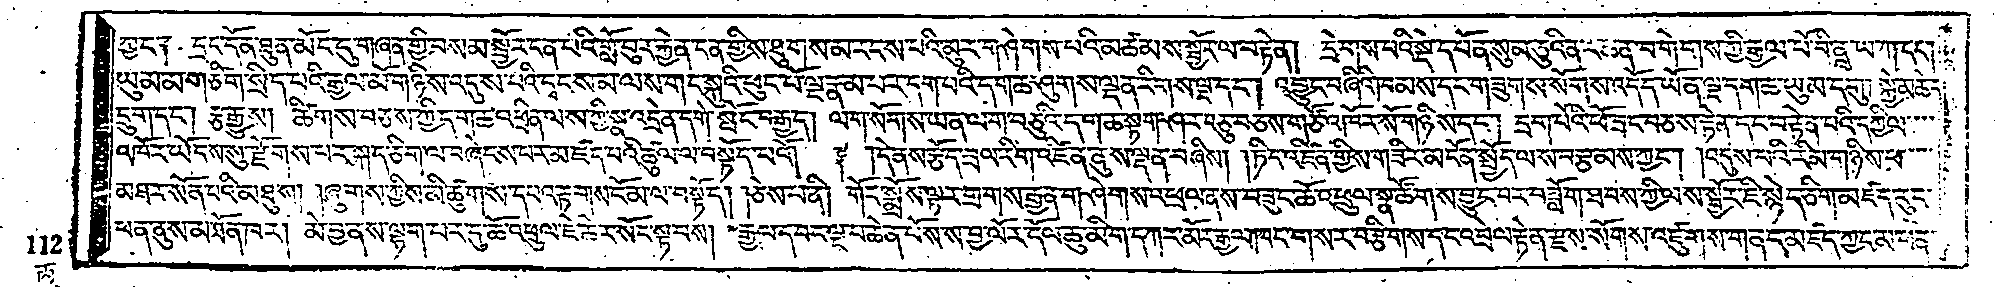ཀྱང་། དྲང་དོན་ཐུན་མོང་དུ་གཞན་གྱི་བསམ་སྦྱོར་ངན་པའི་གློ་བུར་རྐྱེན་ངན་གྱིས་ཐུགས་མ་རངས་པའི་མུར་གཤེགས་པའི་མཚམས་སྦྱོར་ལ་བརྟེན། དྲེགས་པའི་སྡེ་དཔོན་སུམ་ཅུའི་ནང་ཆན་བགེགས་ཀྱི་རྒྱལ་པོ་བི་ནཱ་ཡ་ཀ་དང་།
ཡུམ་མ་གཅིག་སྲིད་པའི་རྒྱལ་མོ་གཉིས་འདུས་པའི་དྭངས་མ་ལས་གང་སྐུའི་ཕུང་པོ་ལྔ་རྣམ་པར་དག་པའི་དག་ཆ་ཤུགས་ལྡན་རིགས་ལྔ་དང་། འབྱུང་བཞིའི་ཁམས་དང་གཟུགས་སོགས་འདོད་ཡོན་ལྔ་དག་ཆ་ཡུམ་དགུ། སྐྱེ་མཆེད་
དྲུག་དང་། རྩ་རྒྱུས། ཚིགས་བཅས་ཀྱི་དག་ཆ་འཕྲིན་ལས་ཀྱི་སྣ་འདྲེན་དགེ་སློང་བརྒྱད། ལག་སོགས་ཡན་ལག་བཅུའི་དག་ཆ་སྟག་ཤར་བཅུ་བཅས་གཙོ་འཁོར་སོ་གཉིས་དང་། དྲག་པོའི་ཕོ་བྲང་བཅས་རྟེན་དང་བརྟེན་པའི་དཀྱིལ་
འཁོར་ཡོངས་སུ་རྫོགས་པར་སྐད་ཅིག་ལ་བཞེངས་པར་མཛད་པའི་ཚུལ་ལ་བསྟོད་པའོ། ༈ །དེ་ནས་རྩོད་ཟལ་རིག་འཛིན་ནུས་ལྡན་བཞིས། །ཏིང་འཛིན་གྱིས་གཟིར་མངོན་སྤྱོད་ལས་བརྩམས་ཀྱང་། །འདུས་པའི་རིམ་གཉིས་ཕ་
མཐར་སོན་པའི་མཐུས། །ཞུགས་ཀྱིས་མི་ཚུགས་དཔའ་རྟགས་ངོམ་ལ་བསྟོད། །ཅེས་པ་ནི། གོང་སྨྲོས་ལྟར་གྲགས་རྒྱན་གཤེགས་འཕྲལ་ནས་བཟུང་ཆོ་འཕྲུལ་སྣ་ཚོགས་བྱུང་བར་བཟློག་ཐབས་ཀྱི་ལས་སྦྱོར་ཇི་སྙེད་ཅིག་མཛད་རུང་
ཕན་ནུས་མ་ཐོན་ཁར། མེ་བྱ་ནས་ལྷག་པར་དུ་ཆོ་འཕྲུལ་ཇེ་ཆེར་སོང་སྟབས། ༧རྒྱལ་དབང་ལྔ་པ་ཆེན་པོས་ས་བྱ་ལོར་དོལ་ཆུ་མིག་དཀར་མོར་རྒྱལ་ཁང་གསར་བརྩིགས་དང་འབྲེལ་རྟེན་རྫས་སོགས་འཛུགས་གནད་མཛད་ཀྱང་མ་ཕན་